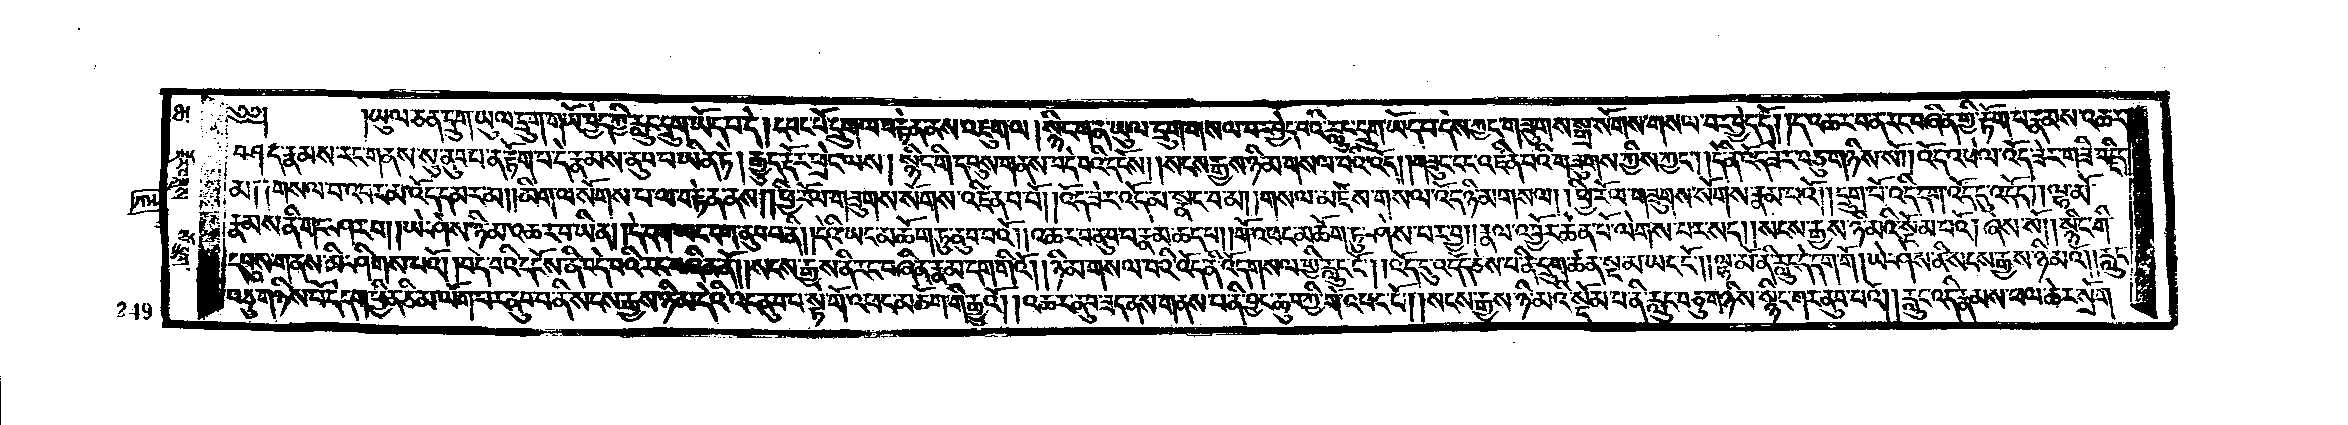༄༅། །ཡུལ་ཅན་དྲུག་ཡུལ་དྲུག་གཡོ་བྱེད་ཀྱི་རླུང་དྲུག་ཡོད་པ་དེ། དབང་པོ་དྲུག་ལ་བརྟེན་ནས་འཇུག་ལ། སྙིང་ག་ན་ཡུལ་དྲུག་གསལ་བར་བྱེད་པའི་རླུང་དྲུག་ཡོད་པ་དེས་ཀྱང་གཟུགས་སྒྲ་སོགས་གསལ་བར་བྱེད་དོ། །ད་འཆར་བ་ན་རང་བཞིན་གྱི་རྟོག་པ་རྣམས་འཆར་
ལ། དེ་རྣམས་རང་གནས་སུ་ནུབ་པ་ན་རྟོག་པ་དེ་རྣམས་ནུབ་པ་ཡིན་ཏེ། རྒྱུད་རྡོར་ཕྲེང་ལས། སྙིང་གི་དབུས་གནས་བདེ་བའི་དངོས། །སངས་རྒྱས་ཉི་མ་གསལ་བའི་འོད། །གཟུང་དང་འཛིན་པའི་གཟུགས་ཀྱིས་ཀྱང་། །དེ་ནི་འོད་ཟེར་བཅུ་གཉིས་སོ། །འོད་འཕེལ་འོད་ཟེར་གཟི་བརྗིད་
མ། །གསལ་བ་འབར་མ་འོད་དམར་མ། །མིག་ལ་སོགས་པ་ལ་བརྟེན་ནས། །ཕྱི་རོལ་གཟུགས་སོགས་འཛིན་པ་པོ། །འོད་ཟེར་འོད་མ་སྣང་བ་མ། །གསལ་མཛེས་གསལ་འོད་ཉི་མ་གསལ། །ཕྱི་རོལ་གཟུགས་སོགས་རྣམ་པའོ། །དྲུག་པོ་འདི་དག་འོད་དུ་འདོད། །ལྷ་མོ་
རྣམས་ནི་གང་ཤར་བ། །ཡེ་ཤེས་ཉི་མ་འཆར་བ་ཡིན། །དེ་དག་ཡང་དག་ནུབ་པ་ནི། །དེའི་ཡང་མཆོག་ཏུ་ནུབ་པའོ། །འཆར་བ་ནུབ་པ་རྣམ་ཆད་པ། །གོ་འཕང་མཆོག་ཏུ་ཤེས་པར་བྱ། །རྣལ་འབྱོར་ཆེན་པོ་ལེགས་པར་སད། །སངས་རྒྱས་ཉི་མའི་སྡོམ་པའོ། ཞེས་སོ། །སྙིང་གི་
དབུས་གནས་མི་ཤིགས་པའོ། །བདེ་བའི་དངོས་ནི་བདེ་བའི་རང་བཞིན་ནོ། །སངས་རྒྱས་ནི་རང་བཞིན་རྣམ་དག་གིའོ། །ཉི་མ་གསལ་བའི་འོད་ནི་འོད་གསལ་གྱི་རླུང་ངོ། །འོད་དུ་འདོད་ཅེས་པ་ནི་དྲུག་ཚན་སྔ་མ་ཡང་ངོ། །ལྷ་མོ་ནི་རླུང་དེ་དག་གོ །ཡེ་ཤེས་ནི་སངས་རྒྱས་ཉི་མའོ། །རླུང་
བཅུ་གཉིས་པོ་དེ་དག་ཕྱིན་ཅི་མ་ལོག་པར་ནུབ་པ་ནི་སངས་རྒྱས་ཉི་མ་དེའི་འང་ནུབ་པ་སྟེ་གོ་འཕང་མཆོག་གི་རྒྱུའོ། །འཆར་ནུབ་ཟད་ནས་གནས་པ་ནི་བྱང་ཆུབ་ཀྱི་གོ་འཕང་ངོ། །སངས་རྒྱས་ཉི་མའི་སྡོམ་པ་ནི་རླུང་བཅུ་གཉིས་སྙིང་གར་ནུབ་པའོ། །རླུང་འདི་རྣམས་ཕལ་ཆེར་སྲོག་